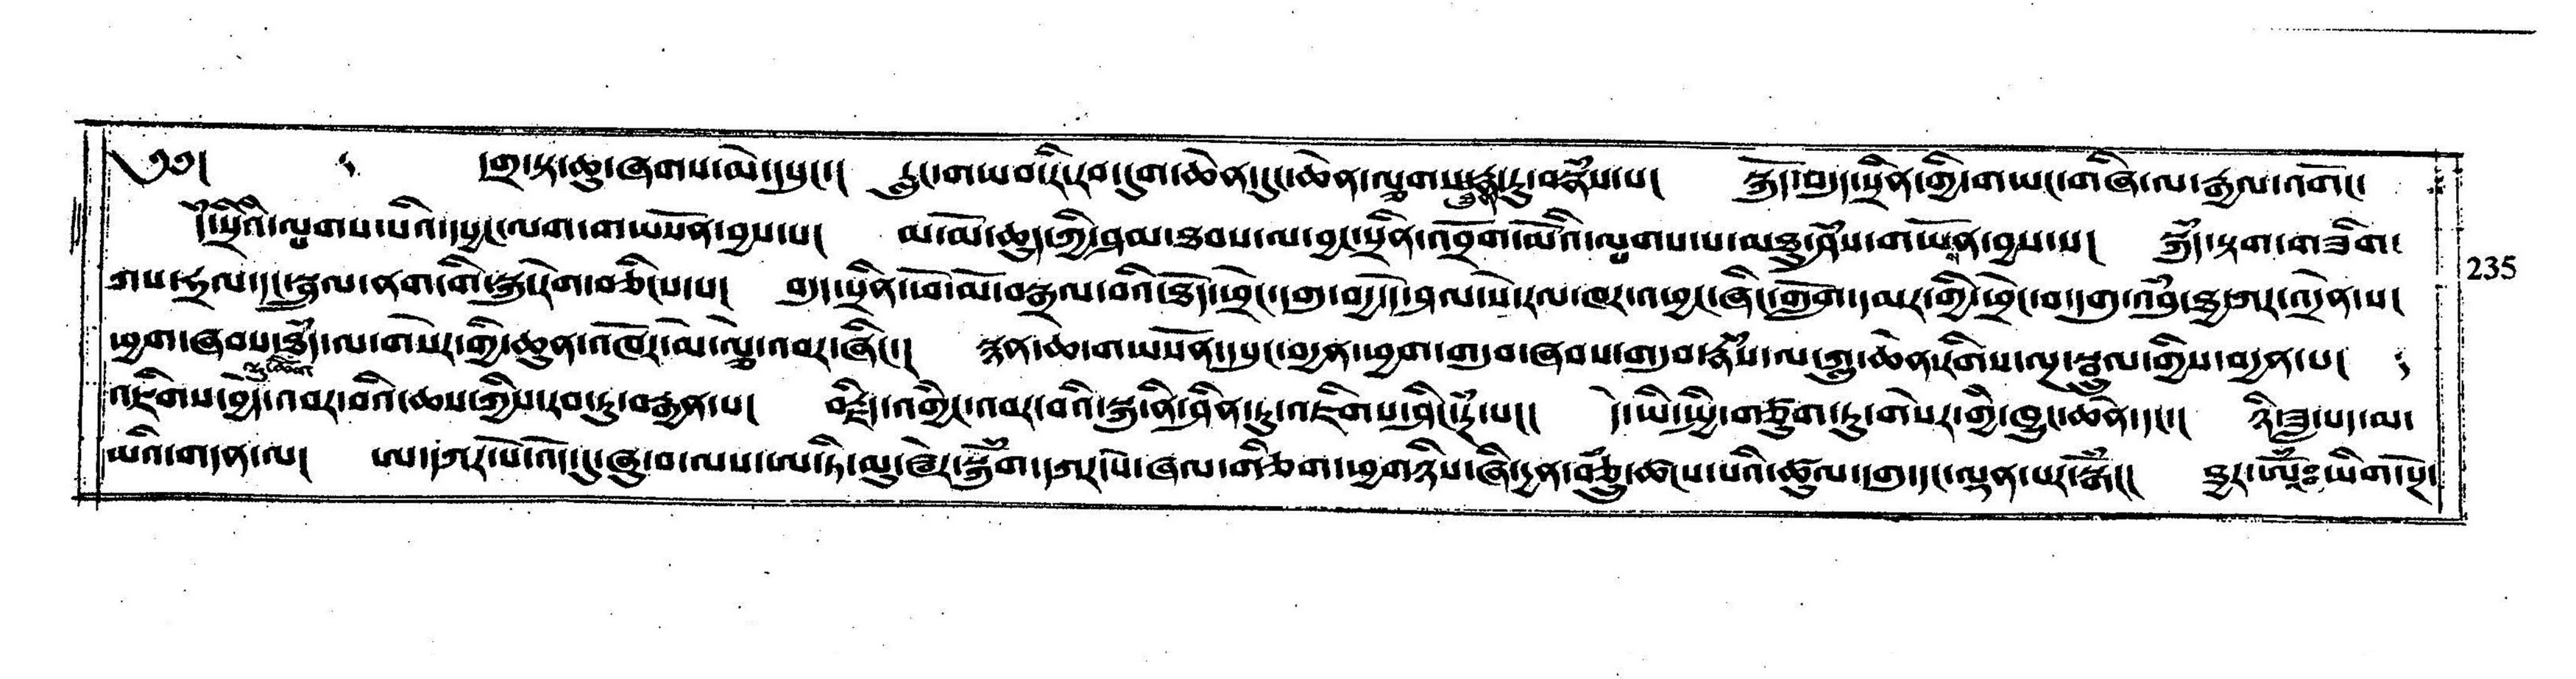དགྲ་སྟ་ཆུ་ཞགས་མེ་དཔུང་། རླུང་གཡབ་རི་རབ་དུག་ཆེན་དུང་ཆེན་ལྕགས་ཐུན་རྣ་རུ་བསྣམས་པ། སྐུ་བསྟོད་བདུད་སྲིན་གྱི་གཡང་གཞི་ལ་རྒྱལ་འགོང་
དམ་སྲིའི་ལྤགས་པའི་དཔྱང་ལག་གཡས་གཡོན་བྱས་པ། མ་མོ་ཆུད་ཀྱི་ཤམ་ཐབས་ལ་བྱང་སྲིན་འབྲོག་མོའི་ལྤགས་པ་མཐུ་ཤམས་གཡས་གཡོན་བྱས་པ། སྐུ་སྟོད་སྟག་གཟིག་
ཀས་ཧྲལ་དང་སྦྲུལ་ནག་གི་སྐུ་རེག་བཅིངས་པ། བདུད་སྲིན་ཕོ་མོ་བསྒྲལ་བའི་ཐོད་ཕྲེང་དགུ་བརྒྱ་དོ་ཤལ་སེ་རལ་ཁར་འཕྱང་ཞིང་གློག་དམར་གྱི་ཕྲེང་བ་དགུ་འབུམ་ཐུགས་ཀར་འདྲེན་པ། 
ཕྱག་ཞབས་ལྷུ་ཚིག་ཐམས་ཅད་ལ་གསེར་གྱི་ཆུན་འཁོར་མེ་ལྕེ་འབར་ཞིང་། སྙན་ཆ་གཡས་གཡོན་དཔུང་བརྒྱན་ཕྱག་གདུབ་ཞབས་གདུབ་རྣམས་ལ་ཀླུ་ཆེན་རིགས་ལྔ་སྦྲུལ་གྱིས་བརྒྱན་པ། 
འཇིགས་བྱེད་འབར་བའི་ཆས་ཀྱིས་རབ་ཏུ་བརྒྱན་པ། བརྗིད་འགྱིང་འབར་བའི་སྐུ་ནི་ཤིན་ཏུ་འཇིགས་ཤིང་རྔམ་པ།། དེ་ཡི་སྤྱི་གཙུག་ཏུ་གསེར་གྱི་ཁྱུང་ཆེན་དང་། ཉི་ཟླ་པད་མའི་
གདན་ལ། ཨ་དཀར་པོ་འོད་དུ་ཞུ་བ་ལས་ཨ་ཏི་མུ་ཝེར་སྐུ་མདོག་དཀར་པོ་ཞལ་གཅིག་ཕྱག་གཉིས་ཞི་རྒྱན་བཅུ་གསུམ་ཚངས་པའི་ཚུལ་དགུ་དང་ལྡན་པར་སྒོམ།། ཐུགས་ཀར་ཨཱོཾཿཡིག་སྔོ་༼པོ༽